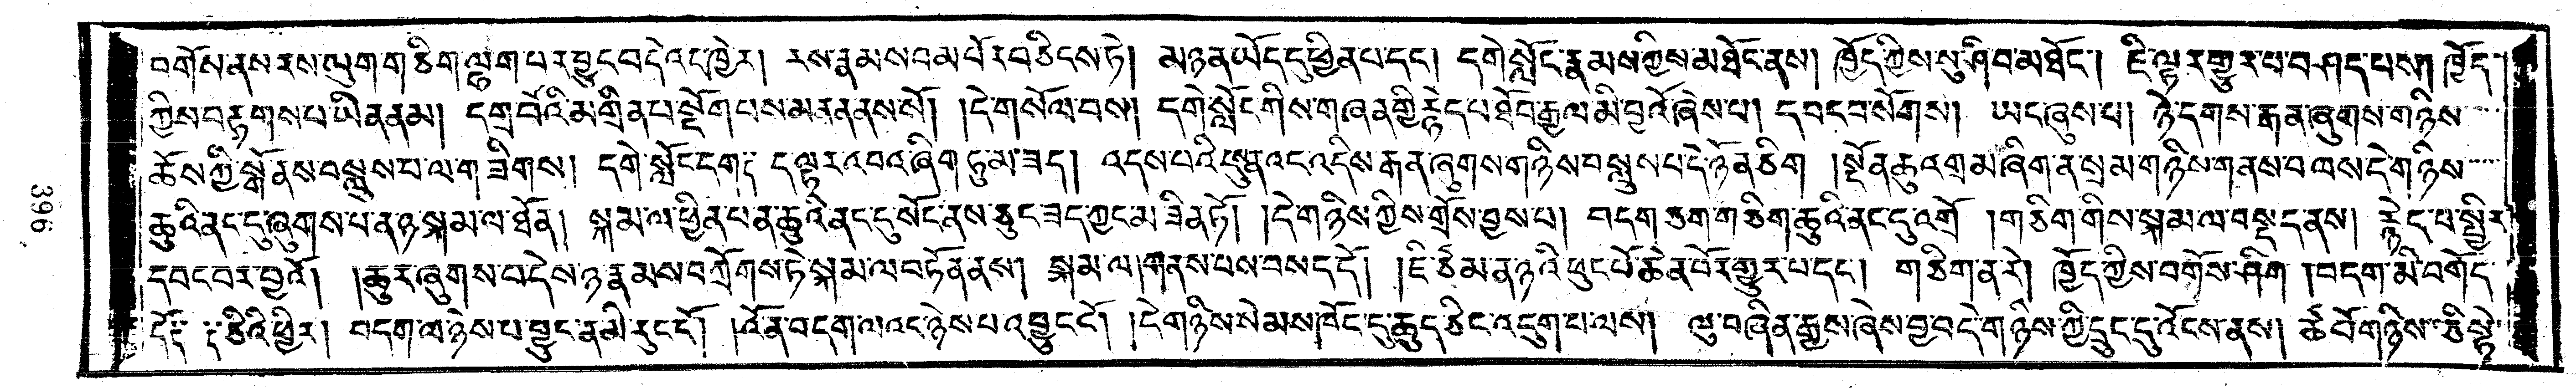བགོས་ནས་རས་ལུག་གཅིག་ལྷག་པར་བྱུང་བདེ་འང་ཁྱེར། རས་རྣམས་བམ་པོར་བཅིངས་ཏེ། མཉན་ཡོད་དུ་ཕྱིན་པ་དང་། དགེ་སློང་རྣམས་ཀྱིས་མཐོང་ནས། ཁྱོད་ཀྱིས་སུ་ཤིབ་མཐོང་། ཇི་ལྟར་གྱུར་པ་བཤད་པས། ཁྱོད་
ཀྱིས་བརྟགས་པ་ཡིན་ནམ། དགྲ་བོའི་མགྲིན་པ་སྡོག་པས་མནན་ནས་སོ། །དེ་གསོལ་བས། དགེ་སློང་གིས་གཞན་གྱི་རྙེད་པ་ཐོབ་རྒྱལ་མི་བྱའོ་ཞེས་པ། དབང་བ་སོགས། ཡང་ཞུས་པ། ཉེ་དགས་རྒན་ཞུགས་གཉིས་
ཆོས་ཀྱི་སྒོ་ནས་བསླུས་པ་ལ་གཟིགས། དགེ་སློང་དག༑ ད་ལྟར་འབའ་ཞིག་ཏུ་མ་ཟད། འདས་པའི་དུས་ནའང་འདིས་རྒན་ཞུགས་གཉིས་བསླུས་པ་དེ་ཉོན་ཅིག །སྔོན་ཆུ་འགྲམ་ཞིག་ན་སྲམ་གཉིས་གནས་པ་ལས་དེ་གཉིས་
ཆུའི་ནང་དུ་ཞུགས་པ་ན་ཉ་སྐམ་ལ་ཐོན། སྐམ་ལ་ཕྱིན་པ་ན་ཆུའི་ནང་དུ་སོང་ནས་ཅུང་ཟད་ཀྱང་མ་ཟིན་ཏོ། །དེ་གཉིས་ཀྱིས་གྲོས་བྱས་པ། བདག་ཅག་གཅིག་ཆུའི་ནང་དུ་འགྲོ་།གཅིག་གིས་སྐམ་ལ་བསྡད་ནས། རྙེད་བ་སྤྱིར་
དབང་བར་བྱའོ། །ཆུར་ཞུགས་བ་དེས་ཉ་རྣམས་བཀྲོགས་ཏེ་སྐམ་ལ་བཏོན་ནས། སྐམ་ལ། གནས་པས་བསད་དོ། །ཇི་ཙམ་ན་ཉའི་ཕུང་པོ་ཆེན་པོར་གྱུར་པ་དང་། གཅིག་ན་རེ། ཁྱོད་ཀྱིས་བགོས་ཤིག །བདག་མི་བགོད་
དོ༑ ༑ཅིའི་ཕྱིར། བདག་ལ་ཉེས་པ་བྱུང་ན་མི་རུང་ངོ། །འོ་ན་བདག་ལའང་ཉེས་པ་འབྱུང་ངོ། །དེ་གཉིས་སེམས་ཁོང་དུ་ཆུད་ཅིང་འདུག་པ་ལས། ལུས་བཞིན་རྒྱས་ཞེས་བྱ་བདེ་གཉིས་ཀྱི་དྲུང་དུ་འོངས་ནས། ཚ་བོ་གཉིས་ཅི་སྟེ་